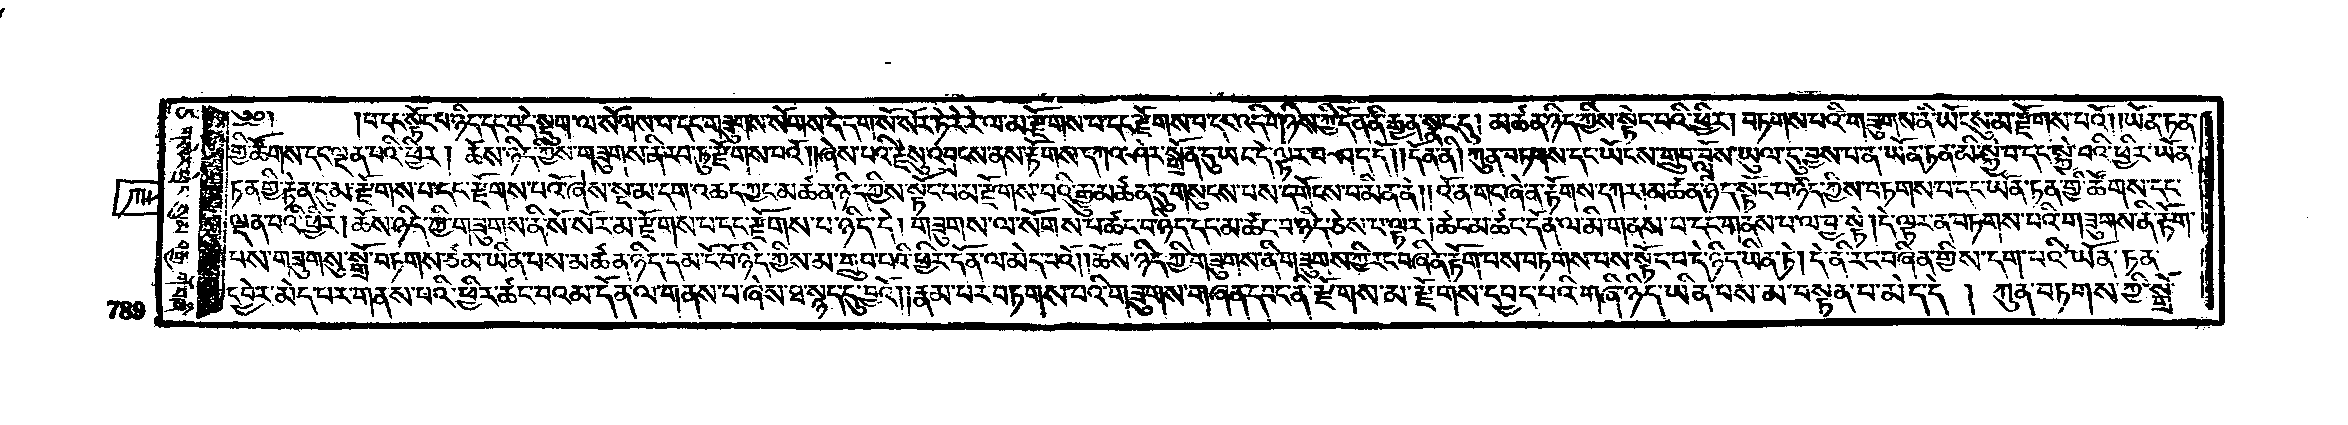༄༅། །པ་དང་སྟོང་པ་ཉིད་དང་བདེ་སྡུག་ལ་སོགས་པ་དང་གཟུགས་སོགས་དེ་དག་སོ་སོར་ཏེ་རེ་རེ་ལ་མ་རྫོགས་པ་དང་རྫོགས་པ་དང་འདི་གཉིས་ཀྱི་དོན་ནི་རྒྱན་སྣང་དུ། མཚན་ཉིད་ཀྱིས་སྟོང་པའི་ཕྱིར། བཏགས་པའི་གཟུགས་ནི་ཡོངས་སུ་མ་རྫོགས་པའོ། །ཡོན་ཏན་
གྱི་ཚོགས་དང་ལྡན་པའི་ཕྱིར། ཆོས་ཉིད་ཀྱིས་གཟུགས་ནི་རབ་ཏུ་རྫོགས་པའོ། །ཞེས་པའི་རྗེས་སུ་འབྲངས་ནས་རྟོགས་དཀའ་ཤེར་སྒྲོན་དུ་ཡང་དེ་ལྟར་བཤད་དོ། །དོན་ནི། ཀུན་བཏགས་དང་ཡོངས་གྲུབ་བློས་ཡུལ་དུ་བྱས་པ་ན་ཡོན་ཏན་མི་སྐྱེ་བ་དང་སྐྱེ་བའི་ཕྱིར་ཡོན་
ཏན་གྱི་རྟེན་དུ་མ་རྫོགས་པ་དང་རྫོགས་པའོ་ཞེས་སྔ་མ་དག་འཆད་ཀྱང་མཚན་ཉིད་ཀྱིས་སྟོང་པ་མ་རྫོགས་པའི་རྒྱུ་མཚན་དུ་གསུངས་པས་དགོངས་པ་མིན་ནོ། །འོ་ན་གང་ཞེ་ན་རྟོགས་དཀར། མཚན་ཉིད་སྟོང་པ་ཉིད་ཀྱིས་བཏགས་པ་དང་ཡོན་ཏན་གྱི་ཚོགས་དང་
ལྡན་པའི་ཕྱིར། ཆོས་ཉིད་ཀྱི་གཟུགས་ནི་སོ་སོར་མ་རྫོགས་པ་དང་རྫོགས་པ་ཉིད་དེ། གཟུགས་ལ་སོགས་པ་ཚང་བ་ཉིད་དང་མ་ཚང་བ་ཉིད་ཅེས་པ་ལྟར། ཚང་མ་ཚང་དོན་ལ་མི་གནས་པ་དང་གནས་པ་ལ་བྱ་སྟེ། དེ་ལྟར་ན་བཏགས་པའི་གཟུགས་ནི་རྟོག་
པས་གཟུགས་སུ་སྒྲོ་བཏགས་ཙམ་ཡིན་པས་མཚན་ཉིད་དམ་ངོ་བོ་ཉིད་ཀྱིས་མ་གྲུབ་པའི་ཕྱིར་དོན་ལ་མེད་པའོ། །ཆོས་ཉིད་ཀྱི་གཟུགས་ནི་གཟུགས་ཀྱི་རང་བཞིན་རྟོག་པས་བཏགས་པས་སྟོང་པ་དེ་ཉིད་ཡིན་ཏེ། དེ་ནི་རང་བཞིན་གྱིས་དག་པའི་ཡོན་ཏན་
དབྱེར་མེད་པར་གནས་པའི་ཕྱིར་ཚང་བའམ་དོན་ལ་གནས་པ་ཞེས་ཐ་སྙད་དུ་བྱའོ། །རྣམ་པར་བཏགས་པའི་གཟུགས་གཞན་དབང་ནི་རྫོགས་མ་རྫོགས་དཔྱད་པའི་གཞི་ཉིད་ཡིན་པས་མ་བསྟན་པ་མེད་དེ། ཀུན་བཏགས་ཀྱི་སྒྲོ་